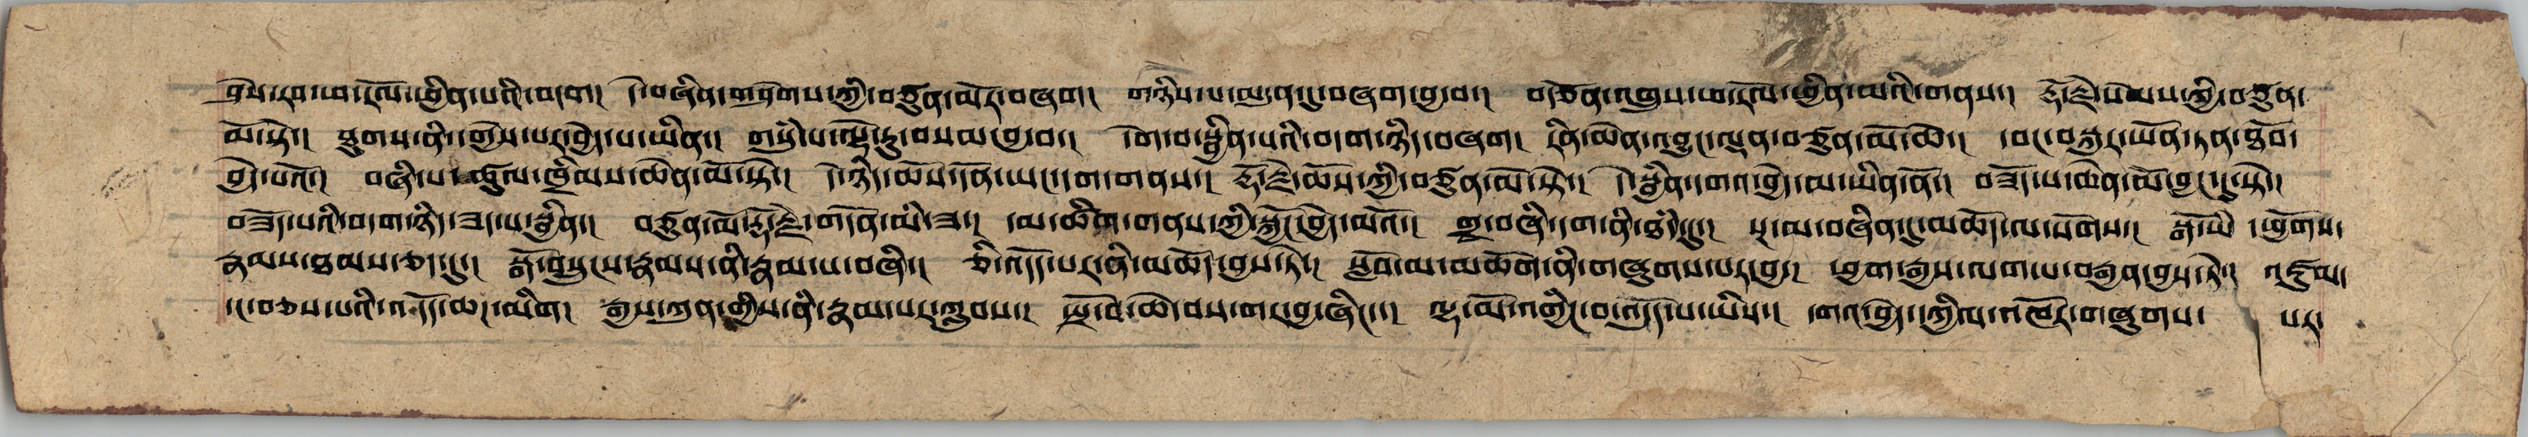ཤེས་རབ་ཕ་རོལ་ཕྱིན་པའི་བདག། དེ་བཞིན་གཤེགས་ཀྱི་བཙུན་མོར་བཞག། གཉིས་ལ་མདུན་དུ་བཞག་བྱ་བ་། བརྩོན་འགྲུས་ཕ་རོལ་ཕྱིན་མའི་གནས་། རྡོ་རྗེ་སེམས་ཀྱི་བཙུན་
མོ་སྟེ་། ཐུགས་ནི་དགྱེས་པར་བྱེད་པ་ཡིན་། གསུཾ་པ་ལྷོ་རུ་བསམ་བྱ་བ་། དགེ་བ་སྦྱིན་པའི་བདག་ཉིད་བཞག། རིན་ཆེན་འབྱུང་ལྡན་བཙུན་མོ་ཆེ་། དབང་བསྐུར་ཡོན་ཏན་ཐོབ་
བྱེད་པའོ་། བཞི་པ་ཚུལ་ཁྲིམས་ཆེན་མོ་སྟེ་། དེ་ཉིད་མོས་དོན་ཡང་དག་གནས་། རྡོ་རྗེ་ཆོས་ཀྱི་བཙུན་མོ་སྟེ་། དེ་སྦྱིན་དགའ་བྱེད་མ་ཡིན་ནོ་། བཟོད་པ་ཆེན་མོ་བླང་དུ་སྟེ་།
བཟོད་པའི་བདག་ཉིད་ཟད་པ་སྦྱིན་། བཙུན་མོ་རྡོ་རྗེ་གདོན་མི་ཟ་། དམ་ཚིག་གནས་ཀྱི་སྐྱོང་བྱེད་མའོ་། གྲྭ་བཞི་དག་ནི་ཐདཾ་དུ་། སྔ་མ་བཞིན་དུ་མཆོད་ལ་སོགས་། སྒོ་ཡི ་ཕྱོགས་
རྣམས་ཐམས་ཅད་དུ་། སྒོ་བསྲུངས་རྣམས་ནི་རྣམ་པ་བཞི་། ཅི་འདོད་པར་ནི་མཆོད་བྱས་ཏེ་། སློབ་མ་མཆོག་ནི་གཞུགས་པར་བྱ་། ཕྱག་རྒྱས་ལག་པ་བརྒྱན་བྱས་ཏེ་། འཛུམ་
དང་བཅས་པའི་འདོད་ཆཌ་མིག། རྒྱས་ཀུན་གྱིས་ནི་རྣམ་པར་ཀླུབས་། སྤྲོ་བ་ཆེ་བས་གར་བྱ་ཞིང་་། ལྷ་མོ་འགྱིང་བ་འདུད་པ་ཡིས་། དགའ་བྱེད་དཀྱིལ་འཁོར་གཞུགས་ པར་